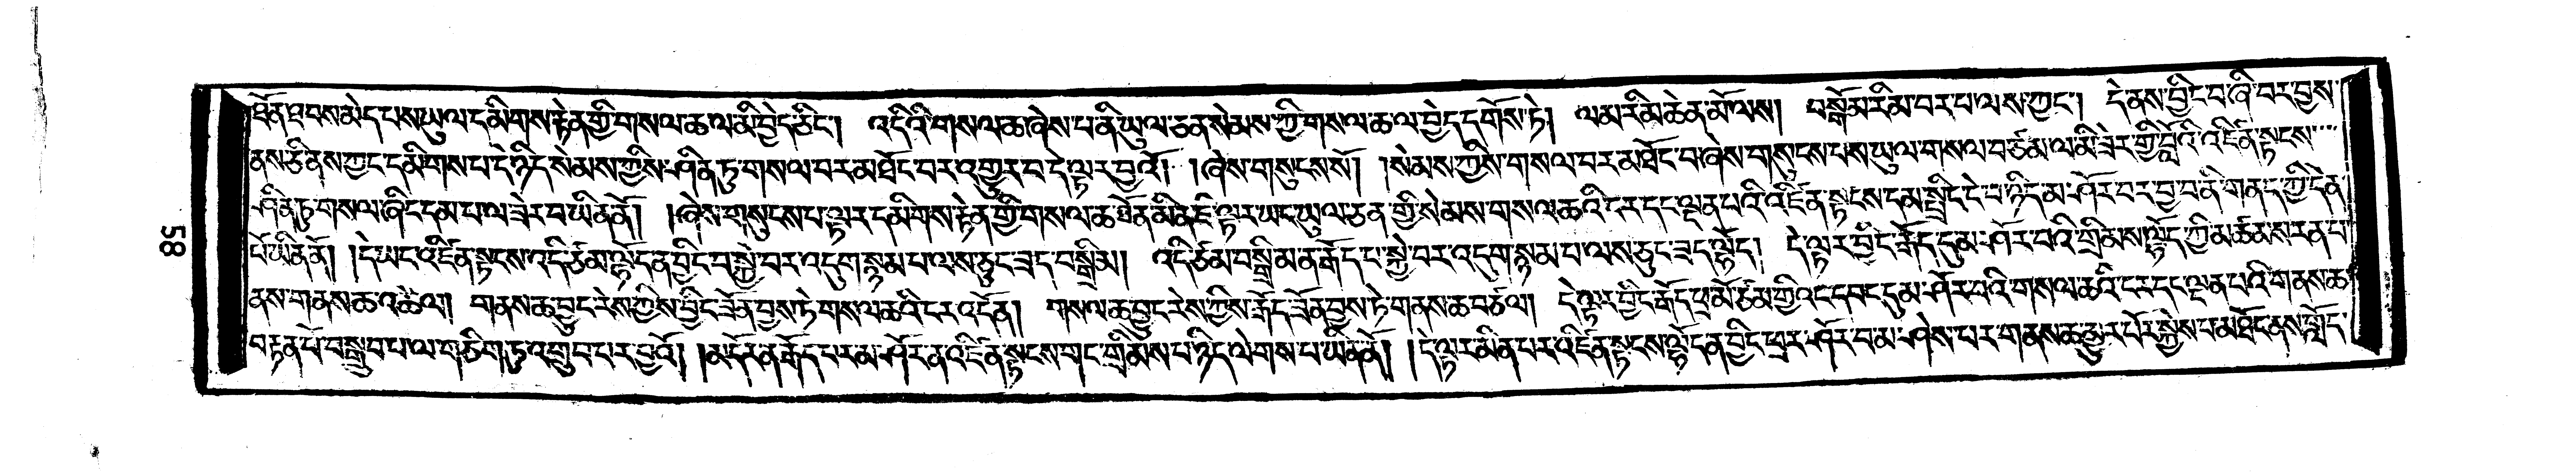ཐོན་ཐབས་མེད་པས་ཡུལ་དམིགས་རྟེན་གྱི་གསལ་ཆ་ལ་མི་བྱེད་ཅིང་། འདིའི་གསལ་ཆ་ཞེས་པ་ནི་ཡུལ་ཅན་སེམས་ཀྱི་གསལ་ཆ་ལ་བྱེད་དགོས་ཏེ། ལམ་རིམ་ཆེན་མོ་ལས། སྒོམ་རིམ་པར་པ་ལས་ཀྱང་། དེ་ནས་བྱིང་བ་ཞི་བར་བྱས་
ནས་ཅི་ནས་ཀྱང་དམིགས་པ་དེ་ཉིད་སེམས་ཀྱིས་ཤིན་ཏུ་གསལ་བར་མཐོང་བར་འགྱུར་བ་དེ་ལྟར་བྱའོ། །ཞེས་གསུངས་སོ། །སེམས་ཀྱིས་གསལ་བར་མཐོང་བ་ཞེས་གསུངས་པས་ཡུལ་གསལ་བ་ཙམ་ལ་མི་ཟེར་གྱི་བློའི་འཛིན་སྟངས་
ཤིན་ཏུ་གསལ་ཞིང་དམ་པ་ལ་ཟེར་བ་ཡིན་ནོ། །ཞེས་གསུངས་པ་ལྟར་དམིགས་རྟེན་གྱི་གསལ་ཆ་ཐོན་མིན་ཇི་ལྟར་ཡང་ཡུལ་ཅན་གྱི་སེམས་གསལ་ཆའི་ངར་དང་ལྡན་པའི་འཛིན་སྟངས་དམ་སྤྲིང་ངེ་བ་ཉིད་མ་ཤོར་བར་བྱ་བ་ནི་གནད་ཀྱི་དོན་
པོ་ཡིན་ནོ། །དེ་ཡང་འཛིན་སྟངས་འདི་ཙམ་ལྷོད་ན་བྱིང་བ་སྐྱེ་བར་འདུག་སྙམ་པ་ལས་ཅུང་ཟད་བསྒྲིམ། འདི་ཙམ་བསྒྲིམ་ན་རྒོད་པ་སྐྱེ་བར་འདུག་སྙམ་པ་ལས་ཅུང་ཟད་ལྷོད། དེ་ལྟར་བྱིང་རྒོད་དུ་མ་ཤོར་བའི་གྲིམས་ལྷོད་ཀྱི་མཚམས་རན་པ་
ནས་གནས་ཆ་འཚོལ། གནས་ཆ་བྱུང་རེས་ཀྱིས་བྱིང་ཟོན་བྱས་ཏེ་གསལ་ཆའི་ངར་འདོན། གསལ་ཆ་བྱུང་རེས་ཀྱིས་རྒོད་ཟོན་བྱས་ཏེ་གནས་ཆ་བཙལ། དེ་ལྟར་བྱིང་རྒོད་ཕྲ་མོ་ཙམ་གྱི་འང་དབང་དུ་མ་ཤོར་བའི་གསལ་ཆའི་ངར་དང་ལྡན་པའི་གནས་ཆ་
བརྟན་པོ་བསྒྲུབ་པ་ལ་གཅིག་ཏུ་འགྲུས་པར་བྱའོ། །མདོར་ན་རྒོད་པར་མ་ཤོར་ན་འཛིན་སྟངས་གང་གྲིམས་པ་ཉིད་ལེགས་པ་ཡིན་ནོ། །དེ་ལྟར་མིན་པར་འཛིན་སྟངས་ལྷོད་ན་བྱིང་ཕྲར་ཤོར་བ་མ་ཤེས་པར་གནས་ཆ་མྱུར་པོར་སྐྱེས་པ་མཐོང་ནས་གློད་